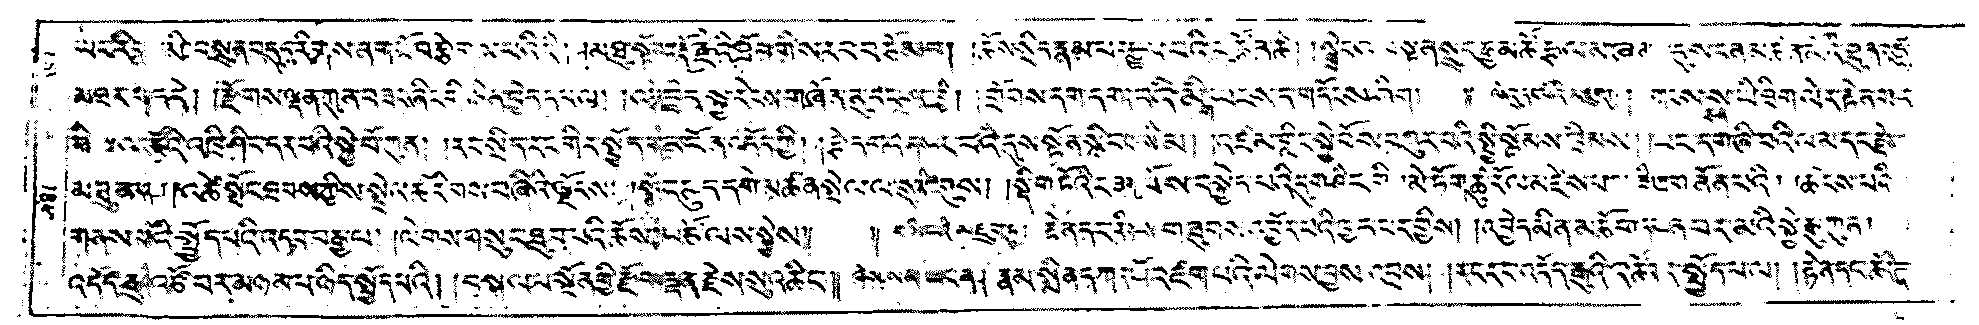ཡང་རིང་། །མི་བསྲུན་བདུད་རིགས་ནག་པོ་བརྩེགས་པའི་རི། །མཐུ་སྟོབས་རྡོ་རྗེའི་ཐོག་གིས་རབ་བཅོམ་ནས། །ཆོས་སྲིད་རྣམ་པར་རྒྱལ་བའི་རུ་ཚོན་ཆེ། །སྒྲེང་ལ་བསྟན་སྲུང་རྒྱ་མཚོ་རྩལ་མ་ཞན། །དུས་ངན་མཚན་མོའི་ཐུན་གསུམ་
མཐར་བསྐྲད་དེ། །རྫོགས་ལྡན་ཀུན་བཟང་ཞིང་གི་ཉིན་བྱེད་དཔལ། །འདྲེན་བྱེད་སྐྱ་རེངས་གཞོན་ནུ་དེང་ཤར་གྱི། །གྲོགས་དག་དགའ་བའི་མིག་ཡངས་ད་གདོངས་ཤིག ། །། ལེའུ་དང་པོའི་མཇུག་ཏུ།  གངས་ཅན་ས་ཡི་ཐིག་ལེར་རྟེན་བཟང་
གི ༑ལང་ཚོའི་འཁྲི་ཤིང་དར་བའི་སྐྱེ་བོ་ཀུན། །རང་སྲིད་རང་གིར་སྤྱོད་པའི་མངོན་འདོད་ཀྱི། །རྩེ་དགའ་གསར་པའི་དུས་སྟོན་སྙིང་ལ་སིམ། །འཛམ་གླིང་སྐྱེ་བོས་བཀུར་བའི་སྤྱི་སྙོམས་ཁྲིམས། །ཡང་དག་ཞི་བའི་ལམ་དང་རྗེས་
མཐུན་པར། །འཚེ་སྤོང་ཐབས་ཀྱིས་སྤྲེལ་ཚ་རིགས་བཞིའི་ལྗོངས། །སྣོད་བཅུད་དགེ་མཚན་སྤེལ་ལ་སུ་མི་གུས། །སྡིག་ཏོའི་ངན་གཡོས་བསྐྱེད་པའི་དུག་ཤིང་གི །མེ་ཏོག་ཚུ་རོལ་མཛེས་པ་ཟིལ་གནོན་པའི། །ཚངས་པའི་
གནས་བཞིའི་སྤྱོད་པའི་འདབ་བརྒྱ་པ། །ལེགས་གསུང་ཐུབ་པའི་ཆོས་ཀྱི་མཚོ་ལས་སྐྱེས།། །། གཉིས་པའི་མཇུག་ཏུ།  རྟེན་དང་རིགས་གཟུགས་འབྱོར་པའི་ཁྱད་པར་གྱིས། །འབྱེད་མིན་མཆོག་དམན་བར་མའི་སྐྱེ་རྒུ་ཀུན། །
འདོད་རྒུའི་འཚོ་བར་མཉམ་པ་ཉིད་སྤྱོད་པའི། །བསྐལ་པ་སྔོན་གྱི་རྫོགས་ལྡན་རྗེས་སུ་འཆིང་། ། ཞེས་སམ། ཡང་། ན།  རྣམ་སྨིན་དཀར་པོ་འཛག་པའི་ལེགས་བྱས་འབྲས། །རང་རང་འདོད་རྒུའི་འཚོ་བར་སྤྱོད་པ་ལ། །རྟེན་དང་ཆོ་རིགས་